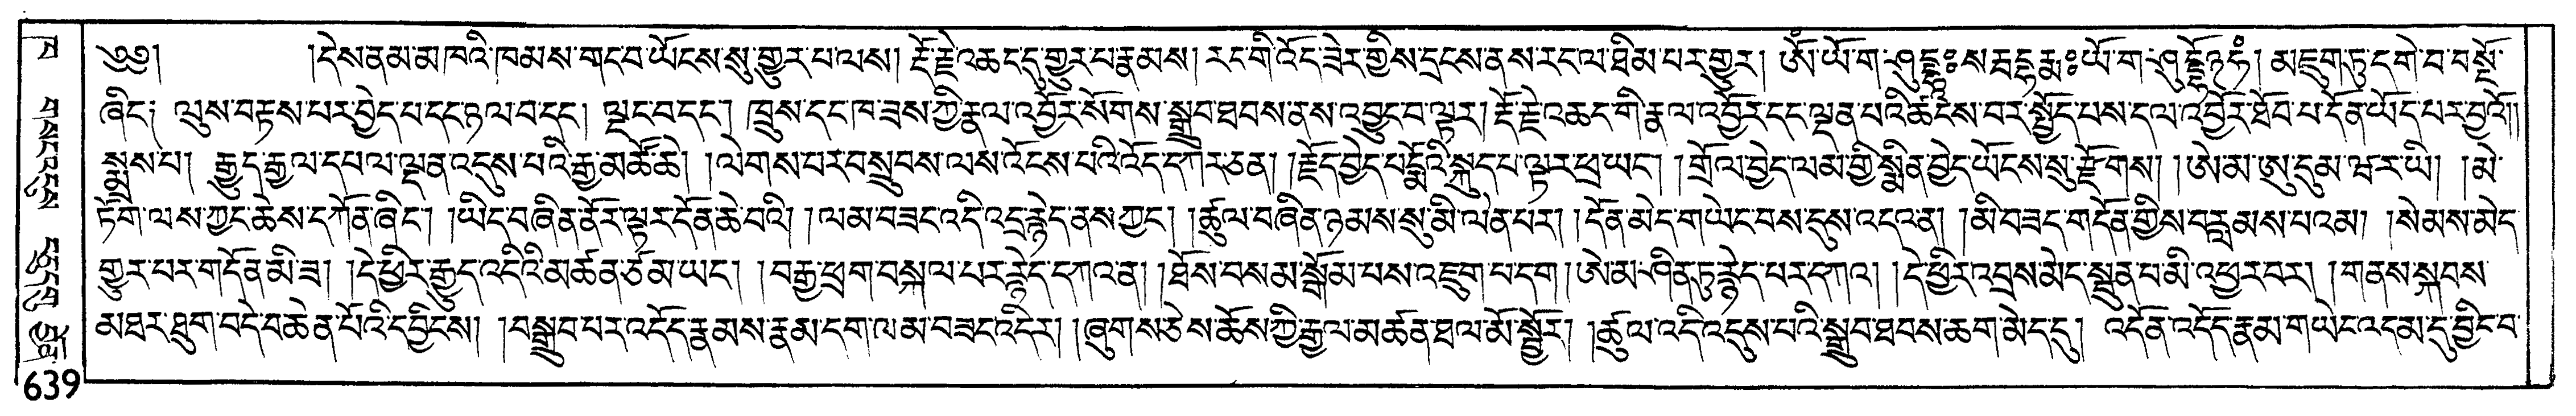༄༅། །དེས་ནམ་མཁའི་ཁམས་གང་བ་ཡོངས་སུ་གྱུར་པ་ལས། རྡོ་རྗེ་འཆང་དུ་གྱུར་པ་རྣམས། རང་གི་འོད་ཟེར་གྱིས་དྲངས་ནས་རང་ལ་ཐིམ་པར་གྱུར། ཨོཾ་ཡོ་ག་ཤུདྡྷཱཿ སརྦ་དྷརྨཿ ཡོ་ག་ཤུདྡྷོ་ཉ་ཧཾ། མཇུག་ཏུ་དགེ་བ་བསྔོ་
ཞིང་། ལུས་བརྟས་པར་བྱེད་པ་དང་ཉལ་བ་དང་། ལྡང་བ་དང་། ཁྲུས་དང་ཁ་ཟས་ཀྱི་རྣལ་འབྱོར་སོགས་སྒྲུབ་ཐབས་ནས་འབྱུང་བ་ལྟར། རྡོ་རྗེ་འཆང་གི་རྣལ་འབྱོར་དང་ལྡན་པའི་ཚངས་བར་སྤྱོད་པས་དལ་འབྱོར་ཐོབ་པ་དོན་ཡོད་པར་བྱའོ། །
སྨྲས་པ། རྒྱུད་རྒྱལ་དཔལ་ལྡན་འདུས་པའི་རྒྱ་མཚོ་ཆེ། །ལེགས་པར་བསྒྲུབས་ལས་འོངས་པའི་འོད་དཀར་ཅན། །རྗོད་བྱེད་པདམོའི་སྐུད་པ་ལྟར་ཕྲ་ཡང་། །གྲོལ་བྱེད་ལམ་གྱི་སྨིན་བྱེད་ཡོངས་སུ་རྫོགས། །ཨེ་མ་ཨུ་དུམ་ཝ་ར་ཡི། །མེ་
ཏོག་ལས་ཀྱང་ཆེས་དཀོན་ཞིང་། །ཡིད་བཞིན་ནོར་ལྟར་དོན་ཆེ་བའི། །ལམ་བཟང་འདི་འདྲ་རྙེད་ནས་ཀྱང་། །ཚུལ་བཞིན་ཉམས་སུ་མི་ལེན་པར། །དོན་མེད་གཡེང་བས་དུས་འདའ་ན། །མི་བཟད་གདོན་གྱིས་བརླམས་པའམ། །སེམས་མེད་
གྱུར་པར་གདོན་མི་ཟ། །དེ་ཕྱིར་རྒྱུད་འདིའི་མཚན་ཙམ་ཡང་། །བརྒྱ་ཕྲག་བསྐལ་པར་རྙེད་དཀའ་ན། །ཐོས་བསམ་སྒོམ་པས་འཇུག་པ་དག །ཨེ་མ་ཤིན་ཏུ་རྙེད་པར་དཀའ། །དེ་ཕྱིར་འབྲས་མེད་སྤུན་པ་མི་འཕྱར་བར། །གནས་སྐབས་
མཐར་ཐུག་བདེ་བ་ཆེན་པོའི་དབྱིངས། །བསྒྲུབ་པར་འདོད་རྣམས་རྣམ་དག་ལམ་བཟང་འདིར། །ཞུགས་ཅེས་ཆོས་ཀྱི་རྒྱལ་མཚན་ཐལ་མོ་སྦྱོར། །ཚུལ་འདི་འདུས་པའི་སྒྲུབ་ཐབས་ཆག་མེད་དུ། འདོན་འདོད་རྣམ་གཡེང་འདམ་དུ་བྱིང་བ་